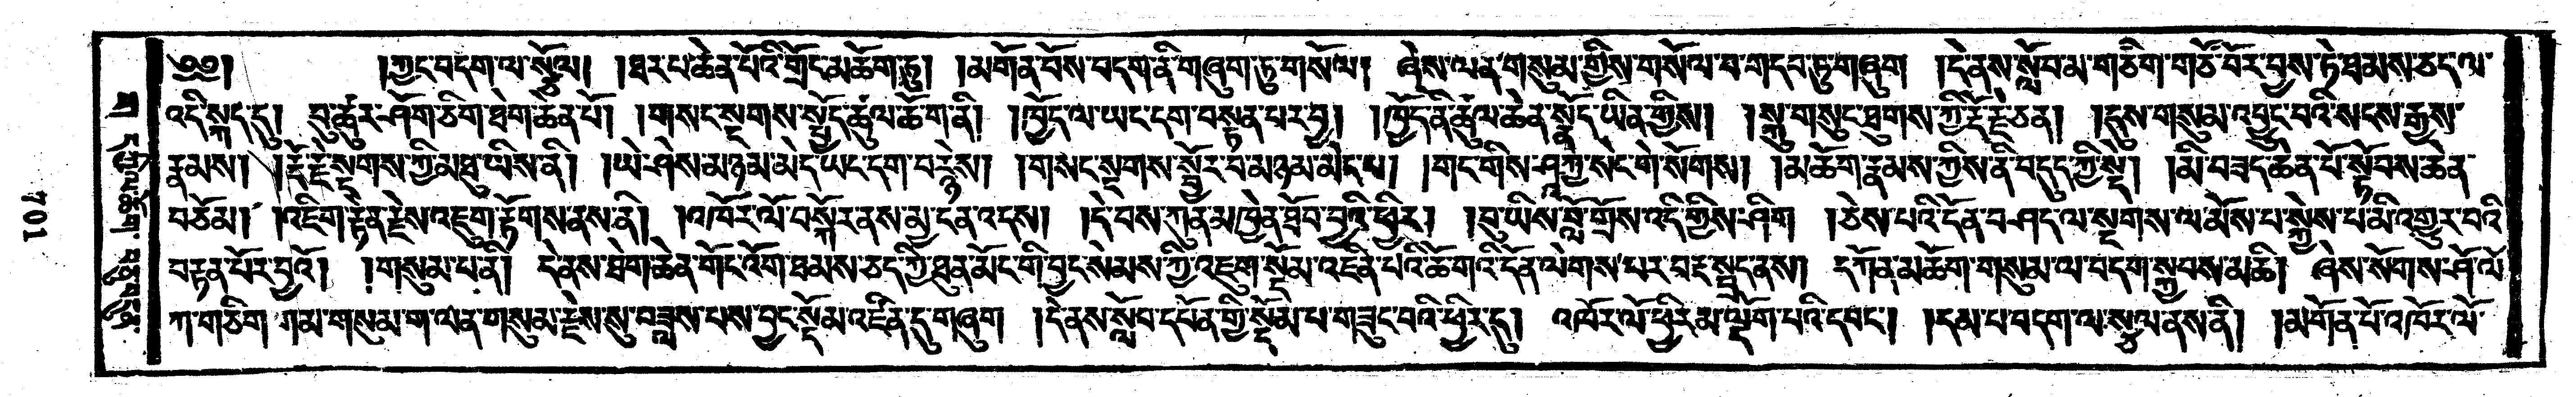༄༅། །ཀྱང་བདག་ལ་སྩོལ། །ཐར་པ་ཆེན་པོའི་གྲོང་མཆོག་ཏུ། །མགོན་པོས་བདག་ནི་གཞུག་ཏུ་གསོལ། ཞེས་ལན་གསུམ་གྱིས་གསོལ་བ་གདབ་ཏུ་གཞུག །དེ་ནས་སློབ་མ་གཅིག་གཙོ་བོར་བྱས་ཏེ་ཐམས་ཅད་ལ་
འདི་སྐད་དུ། བུ་ཚུར་ཤོག་ཅིག་ཐེག་ཆེན་པོ། །གསང་སྔགས་སྤྱོད་ཚུལ་ཆོ་ག་ནི། །ཁྱོད་ལ་ཡང་དག་བསྟན་པར་བྱ། །ཁྱོད་ནི་ཚུལ་ཆེན་སྣོད་ཡིན་གྱིས། །སྐུ་གསུང་ཐུགས་ཀྱི་རྡོ་རྗེ་ཅན། །དུས་གསུམ་འབྱུང་བའི་སངས་རྒྱས་
རྣམས། །རྡོ་རྗེ་སྔགས་ཀྱི་མཐུ་ཡིས་ནི། །ཡེ་ཤེས་མཉམ་མེད་ཡང་དག་བརྙེས། །གསང་སྔགས་སྦྱོར་བ་མཉམ་མེད་པ། །གང་གིས་ཤཱཀྱ་སེང་གེ་སོགས། །མཆོག་རྣམས་ཀྱིས་ནི་བདུད་ཀྱི་སྡེ། །མི་བཟད་ཆེན་པོ་སྟོབས་ཆེན་
བཅོམ། །འཇིག་རྟེན་རྗེས་འཇུག་རྟོགས་ནས་ནི། །འཁོར་ལོ་བསྐོར་ནས་མྱ་ངན་འདས། །དེ་བས་ཀུན་མཁྱེན་ཐོབ་བྱའི་ཕྱིར། །བུ་ཡིས་བློ་གྲོས་འདི་གྱིས་ཤིག །ཅེས་པའི་དོན་བཤད་ལ་སྔགས་ལ་མོས་པ་སྐྱེས་པ་མི་འགྱུར་བའི་
བརྟན་པོར་བྱའོ། །གསུམ་པ་ནི། དེ་ནས་ཐེག་ཆེན་གོང་འོག་ཐམས་ཅད་ཀྱི་ཐུན་མོང་གི་བྱང་སེམས་ཀྱི་འཇུག་སྡོམ་འཛིན་པའི་ཆོ་གའི་དོན་ལེགས་པར་བརྡ་སྦྲད་ནས། དཀོན་མཆོག་གསུམ་ལ་བདག་སྐྱབས་མཆི། ཞེས་སོགས་ཤོ་ལོ་
ཀ་གཅིག་གམ་གསུམ་ག་ལན་གསུམ་རྗེས་སུ་བཟླས་པས་བྱང་སྡོམ་འཛིན་དུ་གཞུག །དེ་ནས་སློབ་དཔོན་གྱི་སྡོམ་པ་གཟུང་བའི་ཕྱིར་དུ། འཁོར་ལོ་ཕྱིར་མ་ལྡོག་པའི་དབང་། །དམ་པ་བདག་ལ་སྩལ་ནས་ནི། །མགོན་པོ་འཁོར་ལོ་